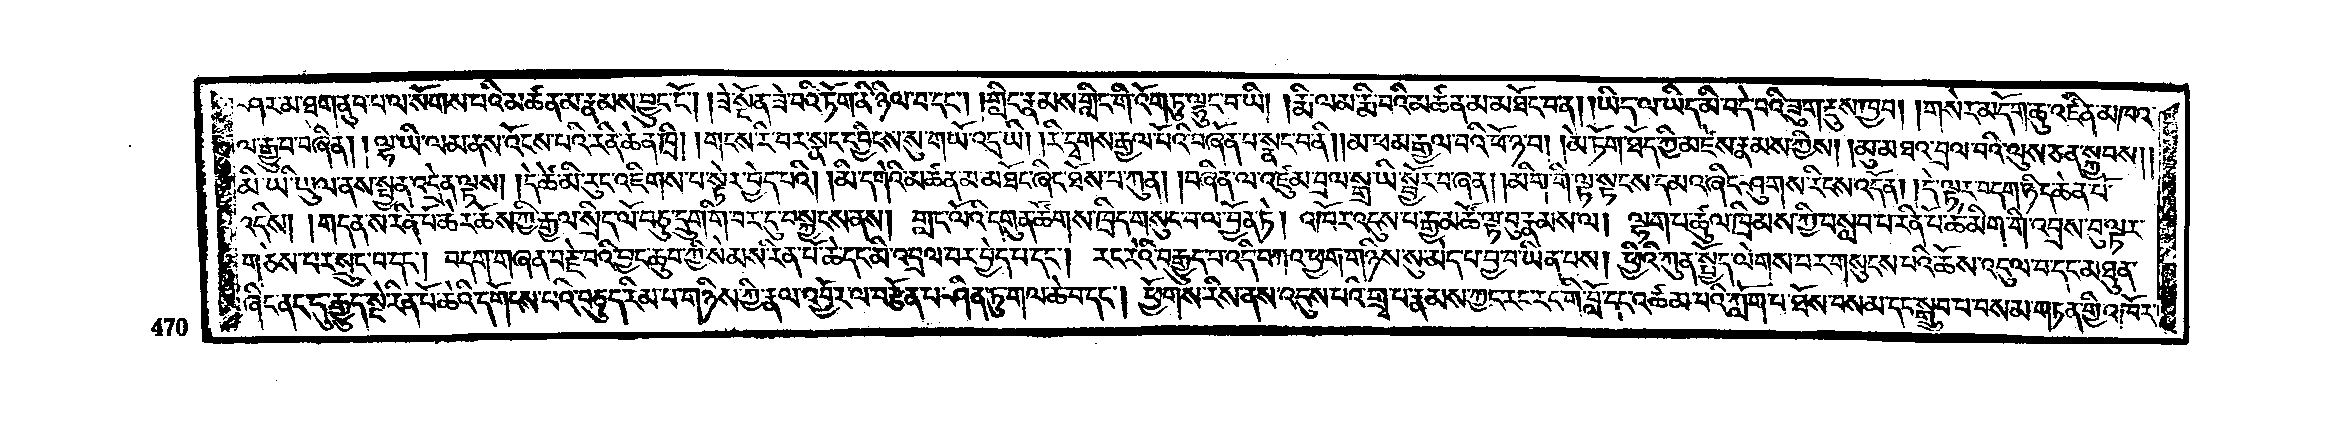ཤར་མ་ཐག་ནུབ་པ་ལ་སོགས་པའི་མཚན་མ་རྣམས་བྱུང་ངོ། །ཟེ་སྔོན་ཟེ་བའི་ཏོག་ནི་ཉིལ་བ་དང་། །གླིང་རྣམས་གླིང་གི་འོག་ཏུ་ལྷུང་བ་ཡི། །རྨི་ལམ་རྨི་བའི་མཚན་མ་མཐོང་བ་ན། །ཡིད་ལ་ཡིད་མི་བདེ་བའི་ཟུག་རྔུས་ཁྱབ། །གསེར་མདོག་ཆུ་འཛིན་མཁའ་
ལ་རྒྱུ་བ་བཞིན། །ལྷ་ཡི་ལམ་ནས་འོངས་པའི་རིན་ཆེན་ཁྲི། །གངས་རི་བར་སྣང་དབྱིངས་སུ་གཡོ་འདྲ་ཡི། །རི་དྭགས་རྒྱལ་པོའི་བཞོན་པ་སྣང་བ་ནི། །མ་ཕམ་རྒྱལ་བའི་ཕོ་ཉ་བ། །མེ་ཏོག་ཐོད་ཀྱི་མཛེས་རྣམས་ཀྱིས། །མུ་མཐའ་བྲལ་བའི་ལུས་ཅན་སྐྱབས།།
མི་ཡི་ཡུལ་ནས་སྤྱན་འདྲེན་ལྟས། །དེ་ཚེ་མི་རུང་འཇིགས་པ་སྟེར་བྱེད་པའི། །མི་དགེའི་མཚན་མ་མཐོང་ཞིང་ཐོས་པ་ཀུན། །བཞིན་ལ་འཛུམ་བྲལ་སྒྲ་ཡི་སྦྱོར་བ་ཞན། །མིག་གི་ལྟ་སྟངས་དམའ་ཞིང་ཤུགས་རིངས་འདོན། །དེ་ལྟར་བདག་ཉིད་ཆེན་པོ་
འདིས། །གདན་ས་རིན་པོ་ཆེར་ཆོས་ཀྱི་རྒྱལ་སྲིད་ལོ་བཅུ་དྲུག་གི་བར་དུ་བསྐྱངས་ནས། གླང་ལོའི་དགུན་ཚོགས་ཁྲིད་གསུང་བ་ལ་བྱོན་ཏེ། འཁོར་འདུས་པ་རྒྱ་མཚོ་ལྟ་བུ་རྣམས་ལ། ལྷག་པ་ཚུལ་ཁྲིམས་ཀྱི་བསླབ་པ་རིན་པོ་ཆེ་མིག་གི་འབྲས་བུ་ལྟར་
གཅེས་པར་སྲུང་བ་དང་། བདག་གཞན་བརྗེ་བའི་བྱང་ཆུབ་ཀྱི་སེམས་རིན་པོ་ཆེ་དང་མི་འབྲལ་བར་བྱེད་པ་དང་། རང་རེའི་བརྒྱུད་པ་འདི་བཀའ་ཕྱག་གཉིས་སུ་མེད་པ་བྱ་བ་ཡིན་པས། ཕྱིའི་ཀུན་སྤྱོད་ལེགས་པར་གསུངས་པའི་ཆོས་འདུལ་བ་དང་མཐུན་
ཞིང་ནང་དུ་རྒྱུད་སྡེ་རིན་པོ་ཆེའི་དགོངས་པའི་བཅུད་རིམ་པ་གཉིས་ཀྱི་རྣལ་འབྱོར་ལ་བརྩོན་པ་ཤིན་ཏུ་གལ་ཆེ་བ་དང་། ཕྱོགས་རིས་ནས་འདུས་པའི་གྲྭ་པ་རྣམས་ཀྱང་རང་རང་གི་བློ་དང་འཚམ་པའི་ཀློག་པ་ཐོས་བསམ་དང་སྒྲུབ་པ་བསམ་གཏན་གྱི་འཁོར་